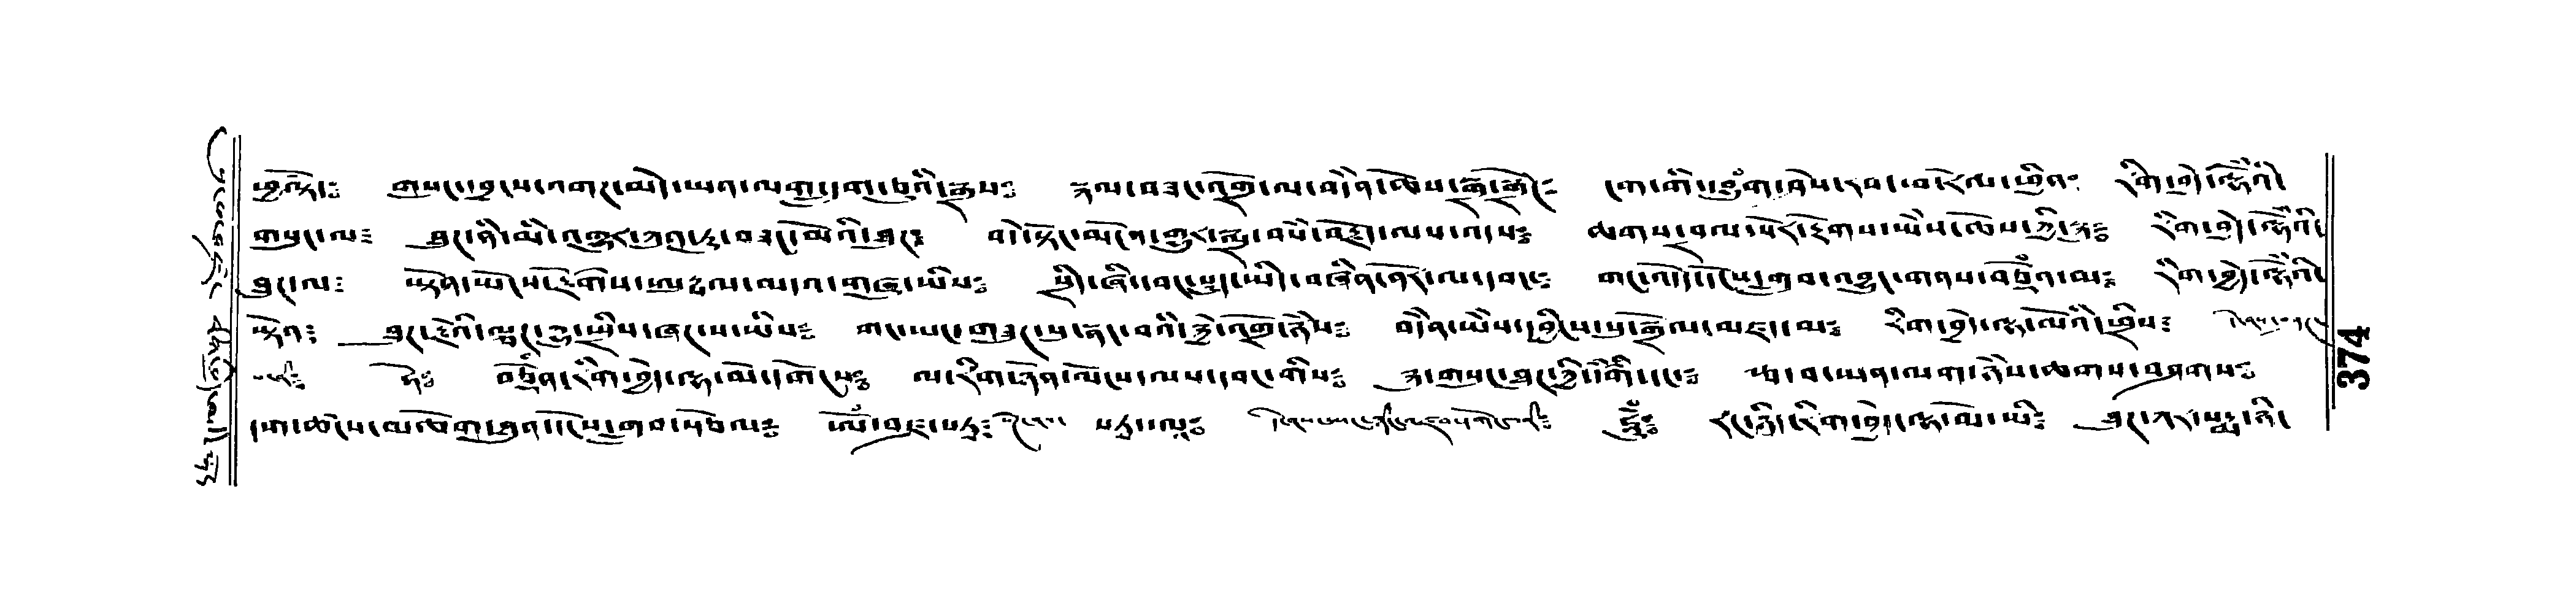ཕྱག་འཚལ་བསྟོད༔ གསུང་དབྱངས་འགགས་མེད་ཡན་ལག་དྲུག་ཅུའི་སྒྲས༔ སྐལ་བཟང་འགྲོ་ལ་བདེ་ཆེན་ཆོས་སྒྲ་སྒྲོགས༔ ངག་གི་དབང་ཕྱུག་ཤེས་རབ་ཕ་རོལ་ཕྱིན༔ རིག་བྱེད་ལྷ་མོའི་
གསུང་ལ༴ ཐུགས་ནི་མི་འགྱུར་ཀུན་ཏུ་བཟང་མོའི་ཐུགས༔ བདེ་སྟོང་མངོན་གྱུར་སྨྲ་བསམ་བརྗོད་ལས་འདས༔ ཆགས་བྲལ་སོར་རྟོགས་ཡེ་ཤེས་ཆོས་ཀྱི་སྐུ༔ རིག་བྱེད་ལྷ་མོའི་
ཐུགས་ལ༴ ཡོན་ཏན་ཡོངས་རྫོགས་ཨུཏྤལ་མདའ་གཞུ་ཡིས༔ སྲིད་ཞི་དབང་སྡུད་ཡིད་བཞིན་ནོར་ལ་དབང༔ གང་འདོད་དངོས་གྲུབ་འབྱུང་གནས་བཅོམ་ལྡན་མ༔ རིག་བྱེད་ལྷ་མོའི་
ཡོན་ཏན༴ ཐུགས་རྗེའི་ལྕགས་ཀྱུ་ཕྲིན་ལས་ཞགས་པ་ཡིས༔ གང་ཡང་གཟུགས་སུ་སྣང་བའི་སྐྱེ་འགྲོ་རྣམས༔ བདེ་ཆེན་ཡེ་ཤེས་དབྱིངས་སུ་སྒྲོལ་མཛད་མ༔ རིག་བྱེད་ལྷ་མོའི་ཕྲིན་ལས༴ དེ་ནས་བཤགས་
པ་ནི༔ ཧོཿ བཅོམ་ལྡན་རིག་བྱེད་ལྷ་མོ་དགོངས༔ མ་རིག་ཉོན་མོངས་ལས་དབང་གིས༔ སྐུ་གསུང་ཐུགས་ཀྱི་དམ་ཚིག་དང༔ རྩ་བ་ཡན་ལག་ཉམས་ཆགས་བཤགས༔ 
དག་ཚངས་མཆོག་ཐུན་དངོས་གྲུབ་སྩོལ༔ ཨོཾ་བཛྲ་སཏྭ་སོགས་ནས༔ སཏྭ་ཨཱཿ དེ་ནས་ཡང་སྙིང་འཛབ་དགོངས་ནི༔ ཧཱུྃ༔ རང་ཉིད་རིག་བྱེད་ལྷ་མོ་ཡི༔ ཐུགས་ཀར་པདྨ་ཉི་